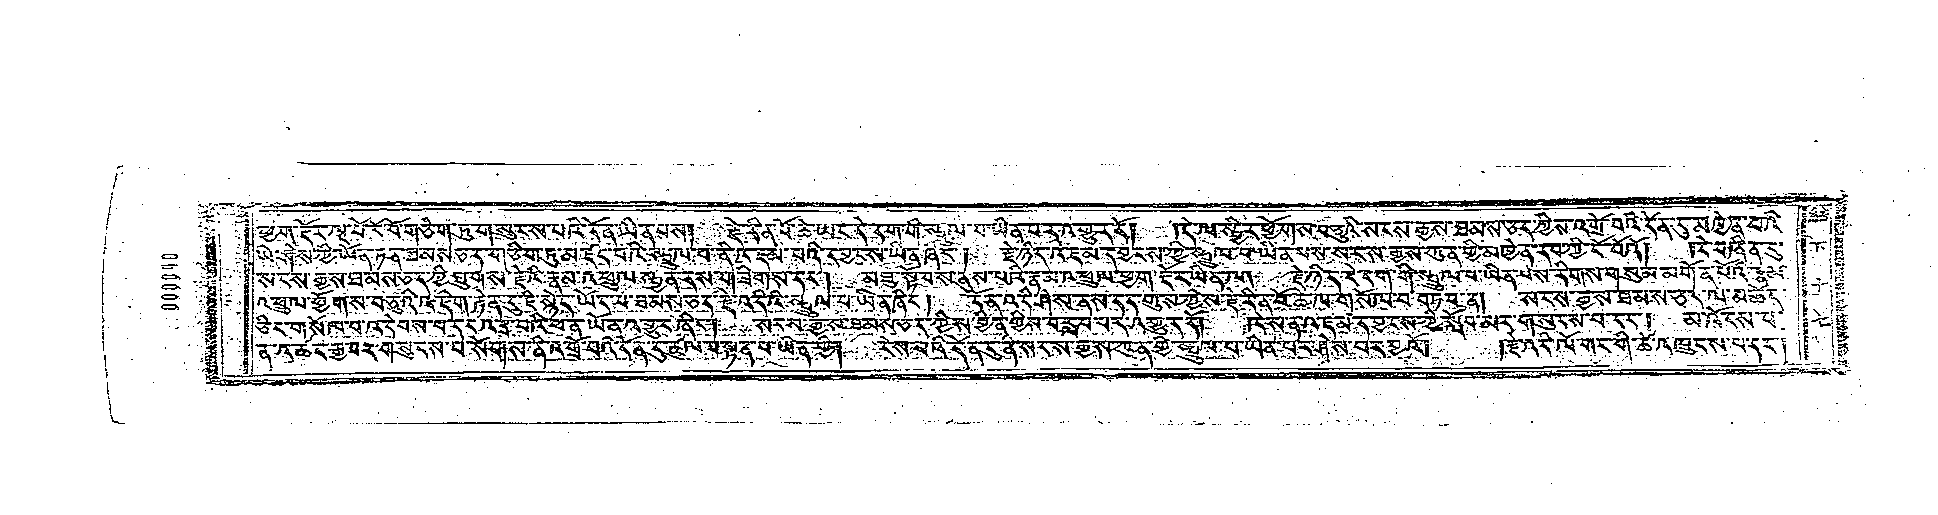ཕྱག་རྡོར་ལྔ་པོ་ངོ་བོ་གཅིག་ཏུ་གསུངས་པའི་དོན་ཡིན་པས། རྗེ་རིན་པོ་ཆེ་ཡང་དེ་དག་གི་སྤྲུལ་པ་ཡིན་པར་འགྱུར་རོ། །དེ་ལ་སྤྱིར་ཕྱོགས་བཅུའི་སངས་རྒྱས་ཐམས་ཅད་ཀྱིས་འགྲོ་བའི་དོན་དུ་མཁྱེན་པའི་
ཡེ་ཤེས་ཀྱི་ཡོན་ཏན་ཐམས་ཅད་གཅིག་ཏུ་མཛད་པའི་སྤྲུལ་པ་ནི་འཇམ་པའི་དབྱངས་ཡིན་ཞིང་། རྗེ་ཉིད་འཇམ་དབྱངས་ཀྱི་སྤྲུལ་པ་ཡིན་པས་སངས་རྒྱས་ཀུན་གྱི་མཁྱེན་རབ་ཀྱི་ངོ་བོའོ། །དེ་བཞིན་དུ་
སངས་རྒྱས་ཐམས་ཅད་ཀྱི་ཐུགས་རྗེའི་རྣམ་འཕྲུལ་སྤྱན་རས་གཟིགས་དང་། མཐུ་སྟོབས་ནུས་པའི་རྣམ་འཕྲུལ་ཕྱག་རྡོར་ཡིན་ལ། རྗེ་ཉིད་དེ་དག་གི་སྤྲུལ་པ་ཡིན་པས་རིགས་གསུམ་མགོན་པོའི་རྣམ་
འཕྲུལ་ཕྱོགས་བཅུའི་འཇིག་རྟེན་དུ་ཇི་སྙེད་ཡོད་པ་ཐམས་ཅད་འདིའི་སྤྲུལ་པ་ཡིན་ཞིང་། དོན་འདི་ཤེས་ནས་དད་གུས་ཀྱིས་རྗེ་རིན་པོ་ཆེ་ལ་གསོལ་བ་བཏབ་ན། སངས་རྒྱས་ཐམས་ཅད་ལ་མཆོད་
ཅིང་གསོལ་བ་འདེབས་པ་དང་འདྲ་བའི་ཕན་ཡོན་འབྱུང་ཞིང་། སངས་རྒྱས་ཐམས་ཅད་ཀྱིས་བྱིན་གྱིས་བརླབ་པར་འགྱུར་རོ། །དེས་ན་འཇམ་དབྱངས་ཀྱི་སློབ་མར་གསུངས་པ་དང་། མ་འོངས་པ་
ན་འཚང་རྒྱ་བར་གསུངས་པ་སོགས་ནི་འགྲོ་བའི་དོན་དུ་ཚུལ་བསྟན་ཨུཔ་ཡིན་གྱི། ངེས་པའི་དོན་དུ་ན་སངས་རྒྱས་ཀུན་གྱི་སྤྲུལ་པ་ཡིན་པར་ཤེས་པར་བྱའོ། །རྗེ་འདི་ལོ་གང་གི་ཚེ་འཁྲུངས་པ་དང་།